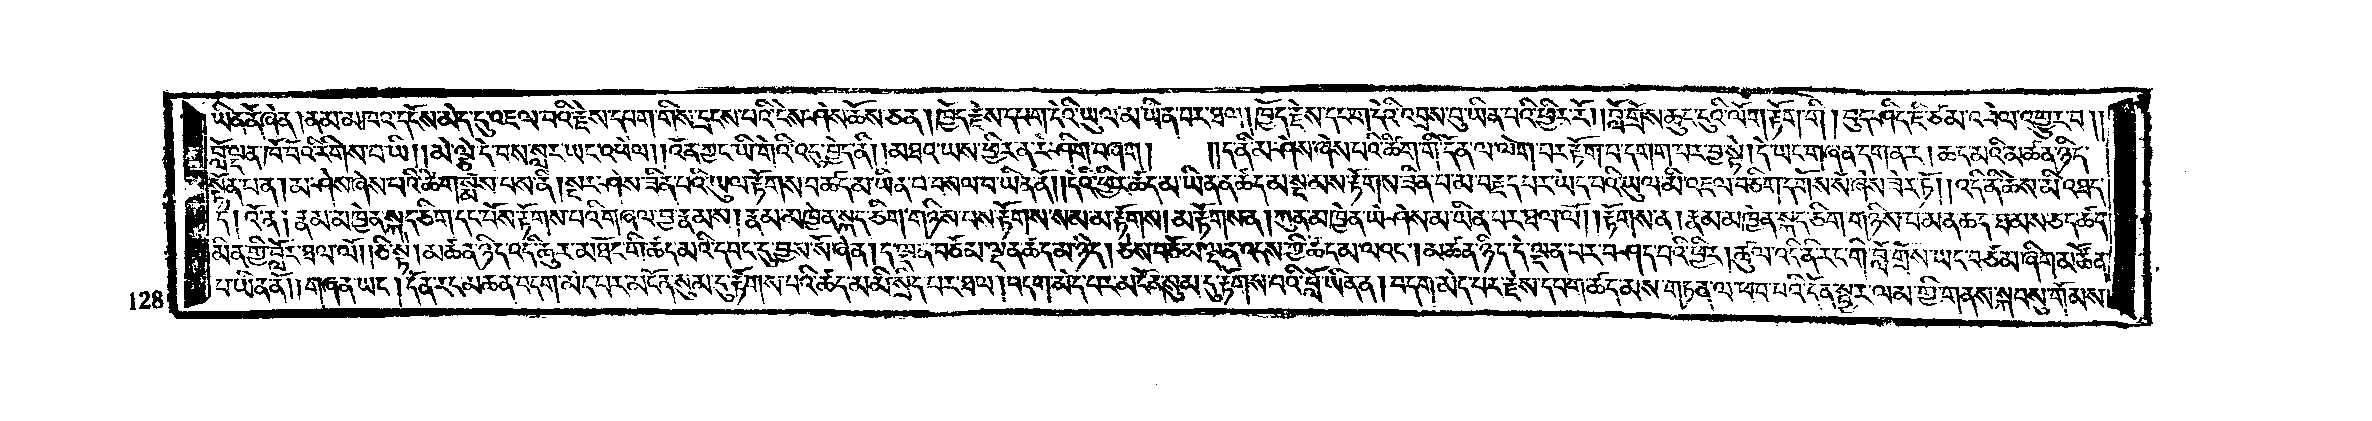ཡིན་ནོ་ཞེ་ན། ནམ་མཁའ་དངོས་མེད་དུ་འཇལ་བའི་རྗེས་དཔག་གིས་དྲངས་པའི་ངེས་ཤེས་ཆོས་ཅན། ཁྱོད་རྗེས་དཔག་དེའི་ཡུལ་མ་ཡིན་པར་ཐལ། ཁྱོད་རྗེས་དཔག་དེའི་འབྲས་བུ་ཡིན་པའི་ཕྱིར་རོ། །བློ་གྲོས་ཆུང་ངུའི་ལོག་རྟོག། བུད་ཤིང་ཇི་ཙམ་འཕེལ་འགྱུར་བ། །
བློ་ལྡན་ཁོ་བོའི་རིགས་པ་ཡི། །མེ་ལྕེ་དེ་བས་སླར་ཡང་འཕེལ། །འོན་ཀྱང་ཡི་གེའི་འདུ་བྱེད་ནི། །མཐའ་ཡས་ཕྱིར་ན་རེ་ཤིག་བཞག ། །།ད་ནི་མ་ཤེས་ཞེས་པའི་ཚིག་གི་དོན་ལ་ལོག་པར་རྟོག་པ་དགག་པར་བྱ་སྟེ། དེ་ཡང་གཞན་དག་ན་རེ། ཚད་མའི་མཚན་ཉིད་
སྟོན་པ་ན། མ་ཤེས་ཞེས་པའི་ཚིག་སྨོས་པས་ནི། སྔར་ཤེས་ཟིན་པའི་ཡུལ་རྟོགས་པ་ཚད་མ་ཡིན་པ་བསལ་བ་ཡིན་ནོ། །དེའི་ཕྱིར་ཚད་མ་ཡིན་ན་ཚེད་མ་སྔ་མས་རྟོགས་ཟིན་པ་མ་བརྗོད་པར་ཡོད་པའི་ཡུལ་མི་འཇལ་བ་ཅིག་དགོས་སོ་ཞེས་ཟེར་ཏོ། །འདི་ནི་ཆེས་མི་འཐད་
དེ། འོ་ན༑ རྣམ་མཁྱེན་སྐད་ཅིག་དང་པོས་རྟོགས་པའི་གཞལ་བྱ་རྣམས། རྣམ་མཁྱེན་སྐད་ཅིག་གཉིས་པས་རྟོགས་སམ་མ་རྟོགས། མ་རྟོགས་ན། ཀུན་མཁྱེན་ཡེ་ཤེས་མ་ཡིན་པར་ཐལ་ལོ། །རྟོགས་ན། རྣམ་མཁྱེན་སྐད་ཅིག་གཉིས་པ་མན་ཆད་ཐམས་ཅད་ཚད་
མིན་གྱི་བློར་ཐལ་ལོ། །ཅི་སྟེ། མཚན་ཉིད་འདི་ཚུར་མཐོང་གི་ཚད་མའི་དབང་དུ་བྱས་སོ་ཞེ་ན། ད་ལྡན་བཅོམ་ལྡན་ཚད་མ་ཉིད། ཅེས་བཅོམ་ལྡན་འདས་ཀྱི་ཚད་མ་ལའང་། མཚན་ཉིད་དེ་ལྡན་པར་བཤད་པའི་ཕྱིར། ཚུལ་འདི་ནི་རང་གི་བློ་གྲོས་ཡང་བཙམ་ཞིག་མཚོན་
པ་ཡིན་ནོ། །གཞན་ཡང་། དོན་རང་མཚན་བདག་མེད་པར་མངོན་སུམ་དུ་རྟོགས་པའི་ཚད་མ་མི་སྲིད་པར་ཐལ། བདག་མེད་པར་མངོན་སུམ་དུ་རྟོགས་པའི་བློ་ཡིན་ན། བདག་མེད་པར་རྗེས་དཔག་ཚད་མས་གཏན་ལ་ཕབ་པའི་དོན་སྦྱར་ལམ་གྱི་གནས་སྐབས་སུ་གོམས་